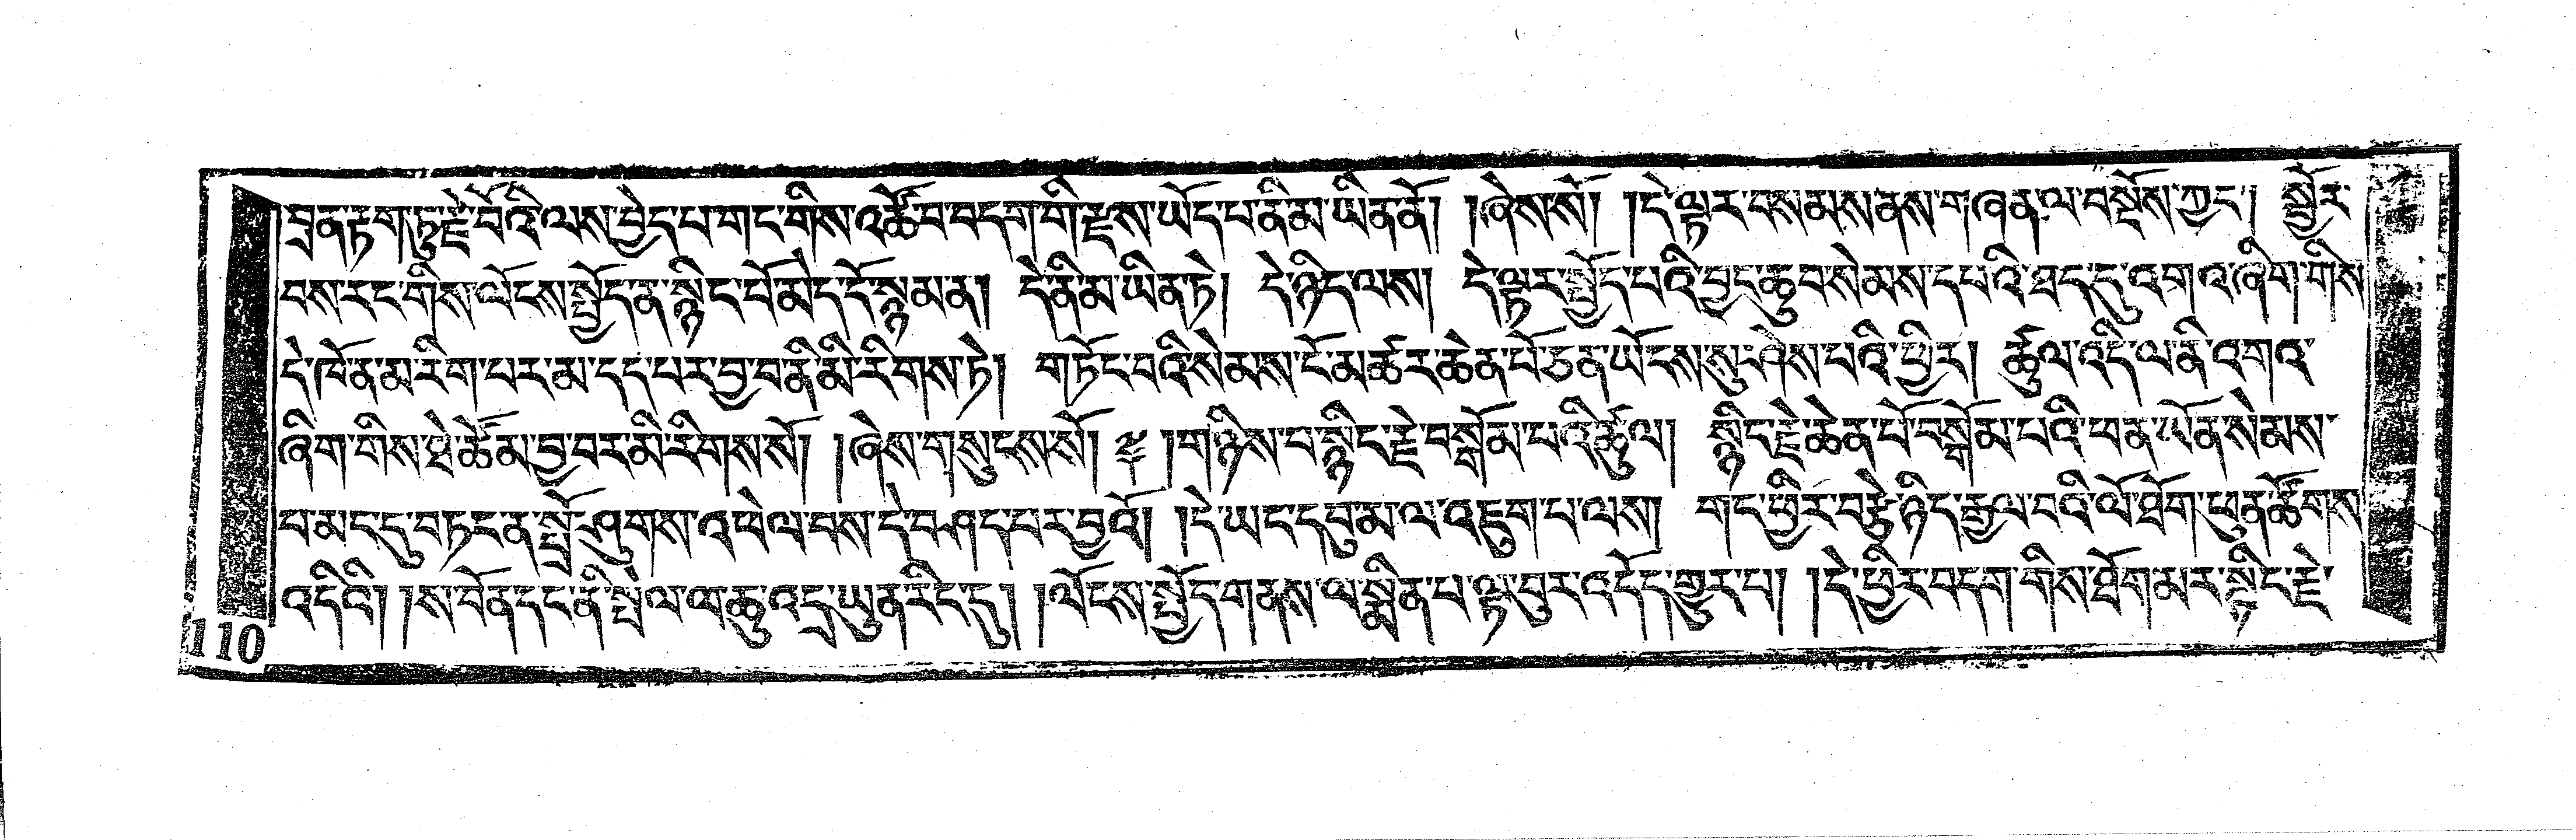བྲན་རྟག་ཏུ་རྗེ་བོའི་ལས་བྱེད་པ་གང་གིས་འཚོ་བ་བདག་གི་རྫས་ཡོད་པ་ནི་མ་ཡིན་ནོ། །ཞེས་སོ། །དེ་ལྟར་བསམས་ནས་གཞན་ལ་བསྔོས་ཀྱང་། སྦྱོར་
བས་རང་གིས་ལོངས་སྤྱོད་ན་སྙིང་པོ་མེད་དོ་སྙམ་ན། དེ་ནི་མ་ཡིན་ཏེ། དེ་ཉིད་ལས། དེ་ལྟར་སྤྱོད་པའི་བྱང་ཆུབ་སེམས་དཔའི་ཐད་དུ་འགའ་ཞིག་གིས་
དེ་ཁོ་ན་མ་རིག་པར་མ་དད་པར་བྱ་བ་ནི་མི་རིགས་ཏེ། གཏོང་བའི་སེམས་ངོ་མཚར་ཆེན་པོ་ཅན་ཡོངས་སུ་ཤེས་པའི་ཕྱིར། ཚུལ་འདི་ལ་ནི་འགའ་
ཞིག་གིས་ཐེ་ཚོམ་བྱ་བར་མི་རིགས་སོ། །ཞེས་གསུངས་སོ། ༈ །གཉིས་པ་སྙིང་རྗེ་བསྒོམ་པའི་ཚུལ། སྙིང་རྗེ་ཆེན་པོ་བསྒོམ་པའི་ཕན་ཡོན་སེམས་
པ་མང་དུ་བཏང་ན་སྤྲོ་ཤུགས་འཕེལ་བས་དེ་བཤད་པར་བྱའོ། །དེ་ཡང་དབུ་མ་ལ་འཇུག་པ་ལས། གང་ཕྱིར་བརྩེ་ཉིད་རྒྱལ་བའི་ལོ་ཐོག་ཕུན་ཚོགས་
འདིའི། །ས་བོན་དང་ནི་སྤེལ་ལ་ཆུ་འདྲ་ཡུན་རིང་དུ། །ལོངས་སྤྱོད་གནས་ལ་སྨིན་པ་ལྟ་བུར་འདོད་གྱུར་པ། །དེ་ཕྱིར་བདག་གིས་ཐོག་མར་སྙིང་རྗེ་